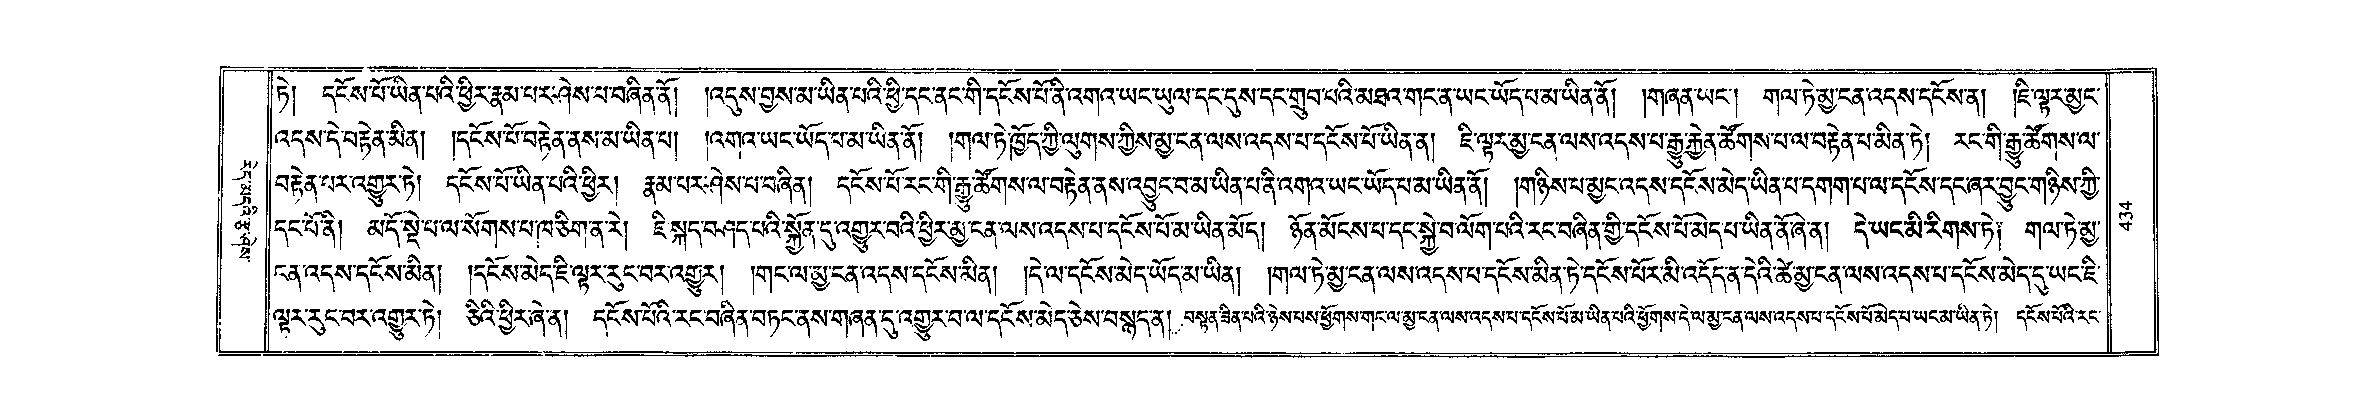ཏེ། དངོས་པོ་ཡིན་པའི་ཕྱིར་རྣམ་པར་ཤེས་པ་བཞིན་ནོ། །འདུས་བྱས་མ་ཡིན་པའི་ཕྱི་དང་ནང་གི་དངོས་པོ་ནི་འགའ་ཡང་ཡུལ་དང་དུས་དང་གྲུབ་པའི་མཐའ་གང་ན་ཡང་ཡོད་པ་མ་ཡིན་ནོ། །གཞན་ཡང་། གལ་ཏེ་མྱ་ངན་འདས་དངོས་ན། །ཇི་ལྟར་མྱང་
འདས་དེ་བརྟེན་མིན། །དངོས་པོ་བརྟེན་ནས་མ་ཡིན་པ། །འགའ་ཡང་ཡོད་པ་མ་ཡིན་ནོ། །གལ་ཏེ་ཁྱོད་ཀྱི་ལུགས་ཀྱིས་མྱ་ངན་ལས་འདས་པ་དངོས་པོ་ཡིན་ན། ཇི་ལྟར་མྱ་ངན་ལས་འདས་པ་རྒྱུ་རྐྱེན་ཚོགས་པ་ལ་བརྟེན་པ་མིན་ཏེ། རང་གི་རྒྱུ་ཚོགས་ལ་
བརྟེན་པར་འགྱུར་ཏེ། དངོས་པོ་ཡིན་པའི་ཕྱིར། རྣམ་པར་ཤེས་པ་བཞིན། དངོས་པོ་རང་གི་རྒྱུ་ཚོགས་ལ་བརྟེན་ནས་འབྱུང་བ་མ་ཡིན་པ་ནི་འགའ་ཡང་ཡོད་པ་མ་ཡིན་ནོ། །གཉིས་པ་མྱང་འདས་དངོས་མེད་ཡིན་པ་དགག་པ་ལ་དངོས་དང་ཞར་བྱུང་གཉིས་ཀྱི་
དང་པོ་ནི། མདོ་སྡེ་པ་ལ་སོགས་པ་ཁ་ཅིག་ན་རེ། ཇི་སྐད་བཤད་པའི་སྐྱོན་དུ་འགྱུར་བའི་ཕྱིར་མྱ་ངན་ལས་འདས་པ་དངོས་པོ་མ་ཡིན་མོད། ཉོན་མོངས་པ་དང་སྐྱེ་བ་ལོག་པའི་རང་བཞིན་གྱི་དངོས་པོ་མེད་པ་ཡིན་ནོ་ཞེ་ན། དེ་ཡང་མི་རིགས་ཏེ། གལ་ཏེ་མྱ་
ངན་འདས་དངོས་མིན། །དངོས་མེད་ཇི་ལྟར་རུང་བར་འགྱུར། །གང་ལ་མྱ་ངན་འདས་དངོས་མིན། །དེ་ལ་དངོས་མེད་ཡོད་མ་ཡིན། །གལ་ཏེ་མྱ་ངན་ལས་འདས་པ་དངོས་མིན་ཏེ་དངོས་པོར་མི་འདོད་ན་དེའི་ཚེ་མྱ་ངན་ལས་འདས་པ་དངོས་མེད་དུ་ཡང་ཇི་
ལྟར་རུང་བར་འགྱུར་ཏེ། ཅིའི་ཕྱིར་ཞེ་ན། དངོས་པོའི་རང་བཞིན་བཏང་ནས་གཞན་དུ་འགྱུར་བ་ལ་དངོས་མེད་ཅེས་བསྙད་ན། བསྟན་ཟིན་པའི་ཉེས་པས་ཕྱོགས་གང་ལ་མྱ་ངན་ལས་འདས་པ་དངོས་པོ་མ་ཡིན་པའི་ཕྱོགས་དེ་ལ་མྱ་ངན་ལས་འདས་པ་དངོས་པོ་མེད་པ་ཡང་མ་ཡིན་ཏེ། དངོས་པོའི་རང་